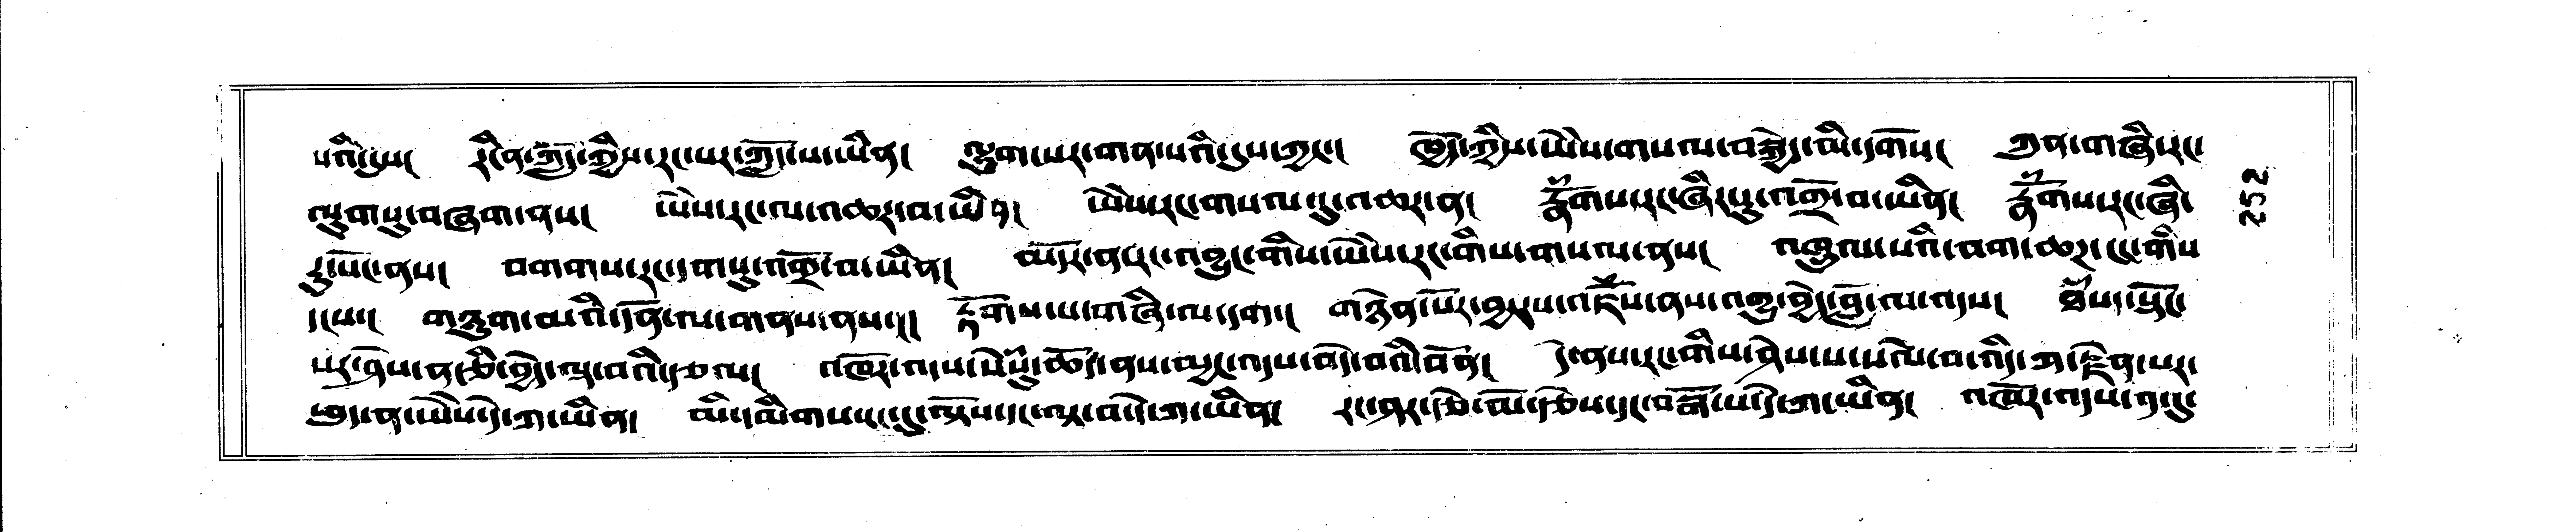པའི་དུས། རང་བཞིན་ལྷོད་ཀྱིས་རང་སར་ལྷོད་པ་ཡིན། ལྷུག་པར་གནས་པའི་དུས་ཀྱང་ཆད་ཀྱི་ཡེ་ཤེས་གསལ་ཆ་བསྐྱེད་མི་དགོས། ཀུན་གཞི་རང་
ལུགས་སུ་བཞགས་ནས། ཡེ་ཤེས་རང་གསལ་དུ་འཆར་བ་ཡིན། ཡེ་ཤེས་རང་གསལ་དུ་འཆར་ན། རྣམ་རྟོག་རང་ཞི་རུ་འགྲོ་བ་ཡིན། རྣམ་རྟོག་རང་ཞི་
རུ་སངས་ན། བག་ཆགས་རང་དགས་སུ་འགྲོ་བ་ཡིན། བག་ཆགས་རང་དགས་སུ་སོང་ན། བློ་དང་རྟོག་པའི་ཡུལ་ལས་འདས་པ་ཡིན། བློ་དང་རྟོག་པའི་ཡུལ་ལས་འདས་ན། དྲི་མ་དང་བྲལ་བའི་སངས་རྒྱས་དེ་ཀ་ཡིན། མདོར་ན། རང་འབྱུང་ཡེ་ཤེས་ངང་གིས་གསལ་ན་འཁྲུལ་བའི་བག་ཆགས་
དངས། གཉུག་མ་དོན་ལ་གནས་ན་ རྟོག་པ་གཞི་ལ་དག གཉེན་པོ་བྱ་རས་འཇོམས་ན་འགྱུ་བྱེད་བློ་ལ་འདས། ཐམས་ཅད་སྟོང་
པར་ཤེས་ན་ཅི་སྤྱོད་ལྟ་བའི་རྩལ། འཁོར་འདས་སེམས་སུ་ཆོད་ན་མྱང་འདས་བདེ་བའི་བོན། དེ་ནས་རང་གི་ཤེས་པ་སལེ་བ་འདི། རྗེན་པར་
ཕུད་དང་། ཡེ་ཤེས་དེ་ཀ་ཡིན། མི་དམིགས་ནང་དུ་ལྟོས་དང་ལྟ་བ་དེ་ཀ་ཡིན། རང་ཤར་རྩེད་མོ་རྩེས་དང་སྒོམ་པ་དེ་ཀ་ཡིན། འཁོར་འདས་གཅིག་ཏུ་